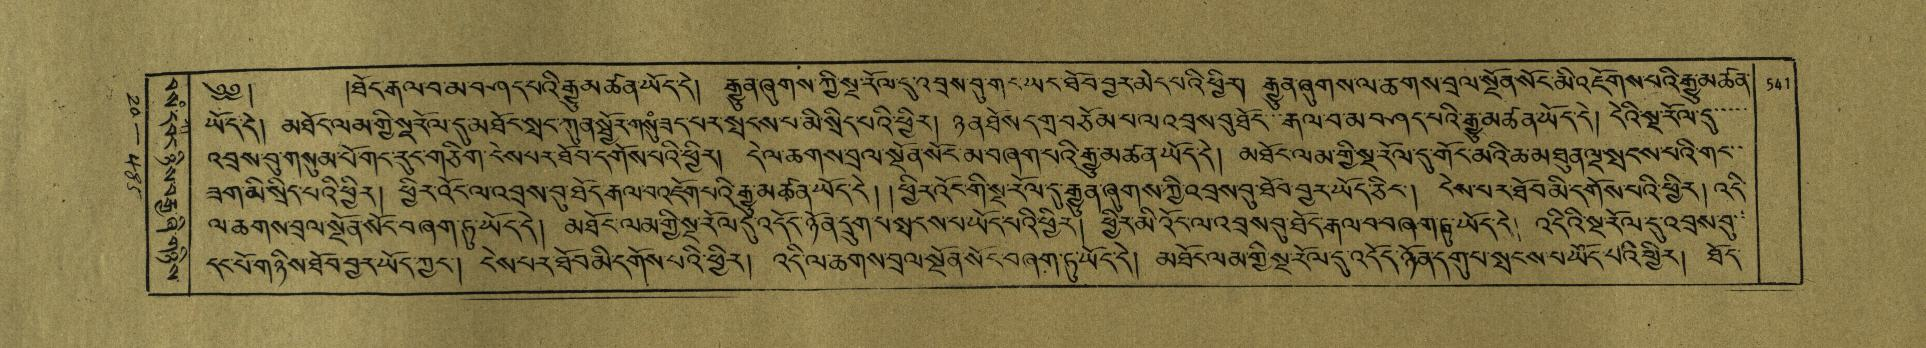༄༅། །ཐོང་རྒལ་བ་མ་བཤད་པའི་རྒྱུ་མཚན་ཡོད་དེ། རྒྱུན་ཞུགས་ཀྱི་སྔ་རོལ་དུ་འབྲས་བུ་གང་ཡང་ཐོབ་བྱར་མེད་པའི་ཕྱིར། རྒྱུན་ཞུགས་ལ་ཆགས་བྲལ་སྔོན་སོང་མི་འཇོགས་པའི་རྒྱུ་མཚན་
ཡོད་དེ། མཐོང་ལམ་གྱི་སྔ་རོལ་དུ་མཐོང་སྤང་ཀུན་སྦྱོར་གསུཾ་ཟད་པར་སྤངས་པ་མི་སྲིད་པའི་ཕྱིར། ཉན་ཐོས་དགྲ་བཅོམ་པ་ལ་འབྲས་བུ་ཐོང་རྒལ་བ་མ་བཤད་པའི་རྒྱུ་མཚན་ཡོད་དེ། དེའི་སྔ་རོལ་དུ་
འབྲས་བུ་གསུམ་པོ་གང་རུང་གཅིག་ངེས་པར་ཐོབ་དགོས་པའི་ཕྱིར། དེ་ལ་ཆགས་བྲལ་སྔོན་སོང་མ་བཞག་པའི་རྒྱུ་མཚན་ཡོད་དེ། མཐོང་ལམ་གྱི་སྔ་རོལ་དུ་གོང་མའི་ཆ་མཐུན་ལྔ་སྤངས་པའི་གང་
ཟག་མི་སྲིད་པའི་ཕྱིར། ཕྱིར་འོང་ལ་འབྲས་བུ་ཐོད་རྒལ་བ་འཇོག་པའི་རྒྱུ་མཚན་ཡོད་དེ། །ཕྱིར་འོང་གི་སྔ་རོལ་དུ་རྒྱུན་ཞུགས་ཀྱི་འབྲས་བུ་ཐོབ་བྱར་ཡོད་ཅིང་། ངེས་པར་ཐོབ་མི་དགོས་པའི་ཕྱིར། འདི་
ལ་ཆགས་བྲལ་སྔོན་སོང་བཞག་ཏུ་ཡོད་དེ། མཐོང་ལམ་གྱི་སྔ་རོལ་དུ་འདོད་ཉོན་དྲུག་པ་སྤངས་པ་ཡོད་པའི་ཕྱིར། ཕྱིར་མི་འོང་ལ་འབྲས་བུ་ཐོད་རྒལ་བ་བཞག་ཏུ་ཡོད་དེ། འདིའི་སྔ་རོལ་དུ་འབྲས་བུ་
དང་པོ་གཉིས་ཐོབ་བྱར་ཡོད་ཀྱང་། ངེས་པར་ཐོབ་མི་དགོས་པའི་ཕྱིར། འདི་ལ་ཆགས་བྲལ་སྔོན་སོང་བཞག་ཏུ་ཡོད་དེ། མཐོང་ལམ་གྱི་སྔ་རོལ་དུ་འདོད་ཉོན་དགུ་པ་སྤངས་པ་ཡོད་པའི་ཕྱིར། ཐོད་